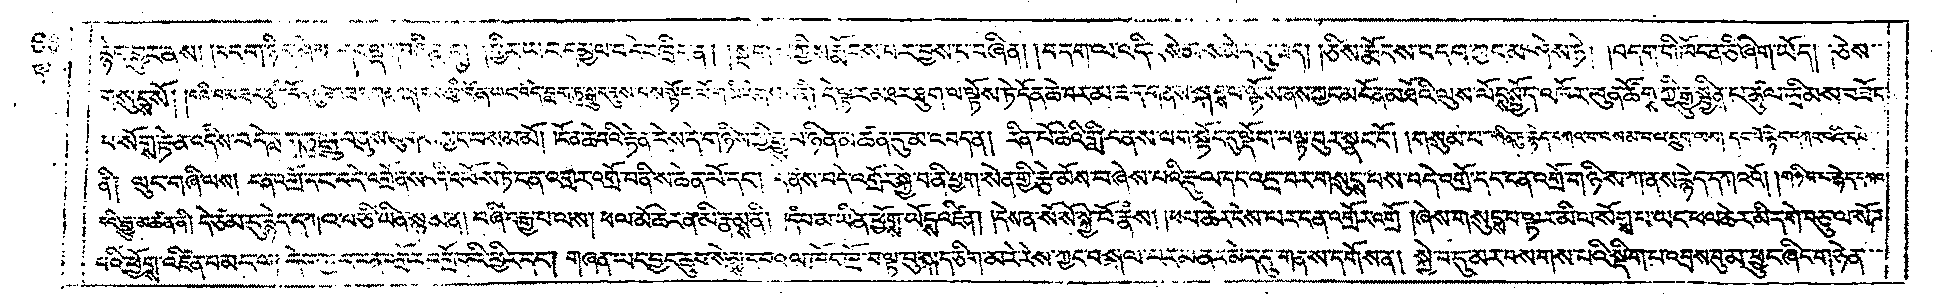རྙེད་གྱུར་ནས། །བདག་ཉིད་ཤེས་དང་ལྡན་བཞིན་དུ། །ཕྱིར་ཡང་དམྱལ་བ་དེར་ཁྲིད་ན། །སྔགས་ཀྱིས་རྨོངས་པར་བྱས་བ་བཞིན། །བདག་ལ་འདིར་སེམས་མེད་དུ་ཟད། །ཅིས་རྨོངས་བདག་ཀྱང་མ་ཤེས་ཏེ། །བདག་གི་ཁོང་ན་ཅི་ཞིག་ཡོད། །ཅེས་
གསུངས་སོ། ། བཞི་པ་མཐར་ཐུགི་དོན་དུ་མ་ཟད་གནས་སྐབས་ཀྱི་དོན་ཡང་བདེ་བླག་ཏུ་སྒྲུབ་ནུས་པས་སྟོང་ལོག་མི་རིགས་པ་ནི། དེ་ལྟར་མཐར་ཐུག་ལ་ལྟོས་ཏེ་དོན་ཆེ་བར་མ་ཟད་གནས་སྐབས་ལ་ལྟོས་ནས་ཀྱང་མངོན་མཐོའི་ལུས་ལོངས་སྤྱོད་འཁོར་ཕུན་ཚོགས་ཀྱི་རྒྱུ་སྦྱིན་པ་ཚུལ་ཁྲིམས་བཟོད་
པ་སོགས་རྟེན་འདིས་བདེ་བླག་ཏུ་སྒྲུབ་ནུས་ལུགས་ཀྱང་བསམ་མོ། །དོན་ཆེ་བའི་རྟེན་དེས་དེ་གཉིས་ཀྱི་རྒྱུ་ལ་ཉིན་མཚན་དུ་མ་འབད་ན། རིན་པོ་ཆེའི་གླིང་ནས་ལག་སྟོང་དུ་ལྡོག་པ་ལྟ་བུར་སྣང་ངོ། །གསུམ་པཤིན་ཏུ་རྙེད་དཀའ་བ་བསམ་པ་ལ་དྲུག་ལས། དང་པོ་རྙེད་དཀའ་བའི་དཔེ
ནི༑ ལུང་གཞི་ལས། ངན་འགྲོ་དང་བདེ་འགྲོ་ནས་ཤི་འཕོས་ཏེ་ངན་འགྲོར་འགྲོ་བ་ནི་ས་ཆེན་པོ་དང་། དེ་ནས་བདེ་འགྲོར་སྐྱེ་བ་ནི་ཕྱག་སེན་གྱི་རྩེ་མོས་བཞེས་པའི་རྡུལ་དང་འདྲ་བར་གསུངས་པས་བདེ་འགྲོ་དང་ངན་འགྲོ་གཉིས་ཀ་ནས་རྙེད་དཀའ་འོ། །གཉིས་པ་རྙེད་དཀའ་
པའི་རྒྱུ་མཚན་ནི། དེ་ཙམ་དུ་རྙེད་དཀའ་བ་ཅི་ཡིན་སྙམ་ན། བཞི་བརྒྱ་པ་ལས། ཕལ་མོ་ཆེར་ན་མི་རྣམས་ནི། །དཾ་པ་མ་ཡིན་ཕྱོགས་ཡོངས་འཛིན། །དེས་ན་སོ་སོ་སྐྱེ་བོ་རྣཾས། །ཕལ་ཆེར་ངེས་པར་དན་འགྲོར་འགྲོ་།ཞེས་གསུངས་བ་ལྟར་མི་ལ་སོགས་པ་ཡང་ཕལ་ཆེར་མི་དགེ་བཅུ་ལ་སོཌ་
པའི་ཕྱོགས་འཛིན་པ་མང་ལ། དེས་ཀྱང་ངན་འགྲོར་འགྲོ་བའི་ཕྱིར་དང་། གཞན་ཡང་བྱང་ཆུབ་སེམས་དཔའ་ལ་ཁོང་ཁྲོ་བ་ལྟ་བུ་སྐད་ཅིག་མ་རེ་རེས་ཀྱང་བསྐལ་པར་མནར་མེད་དུ་གནས་དགོས་ན། སྐྱེ་བ་དུ་མར་བསགས་པའི་སྡིག་པ་འབྲས་བུ་མ་ཕྱུང་ཞིང་གཉེན་